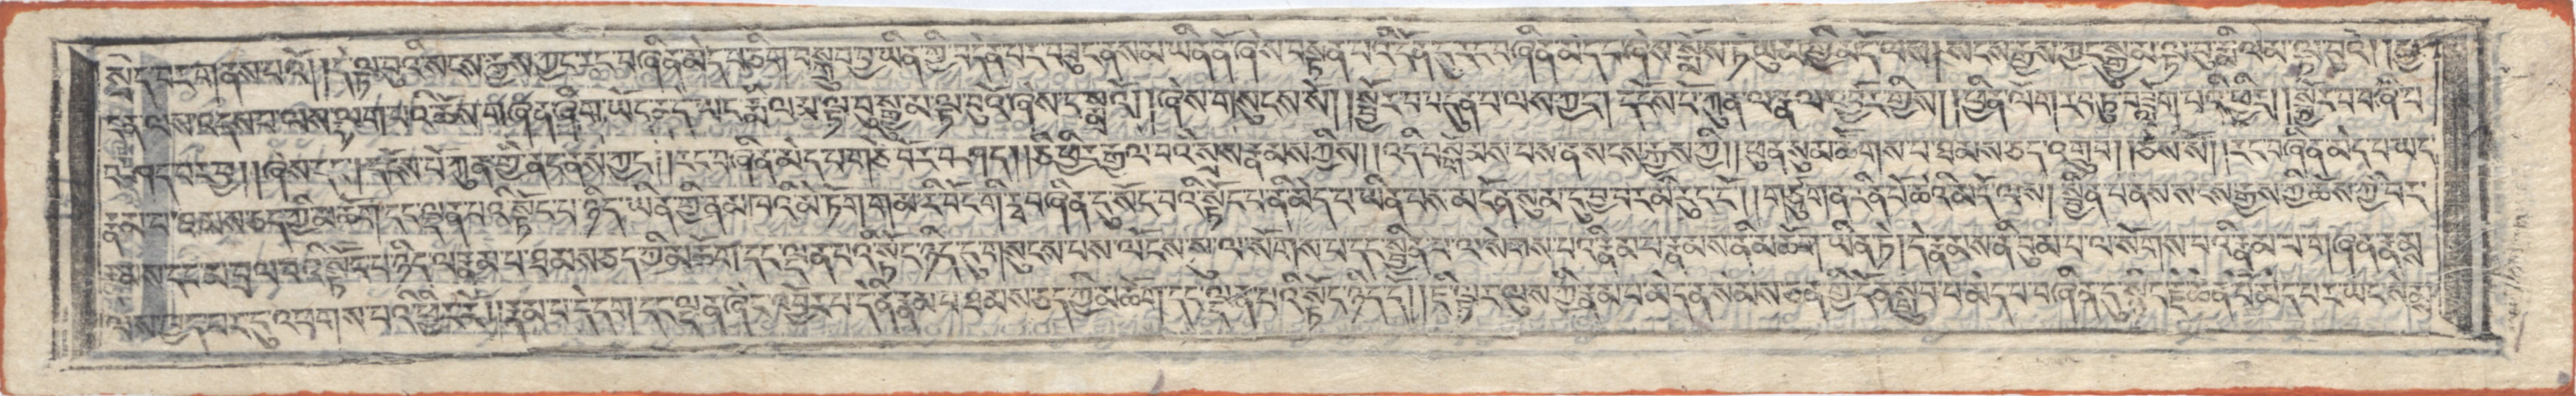སྲེད་བར་གནས་པའོ། །དེ་ལྟ་བུའི་སངས་རྒྱས་ཀྱང་རང་བཞིན་མེད་པ་ཅིག་བསྒྲུབ་བྱ་ཡིན་གྱི་བདེན་པར་བཟུང་ནས་མ་ཡིན་ནོ་ཞེས་བསྟན་པའི་དོན་དུ་རང་བཞིན་མེད་པ་ཞེས་སྨོས་ཏེ་ཡུམ་གྱི་མདོ་ལས། སངས་རྒྱས་ཀྱང་སྒྱུ་མ་ལྟ་བུ་རྨི་ལམ་ལྟ་བུའོ། །མྱ་
ངན་ལས་འདས་པ་ལས་ལྷག་པའི་ཆོས་གཞན་ཞིག་ཡོད་ན་དེ་ཡང་རྨི་ལམ་ལྟ་བུ་སྒྱུ་མ་ལྟ་བུའོ་ཞེས་ང་སྨྲའོ། །ཞེས་གསུངས་སོ། །སྦྱོར་བ་བདུན་པ་ལས་ཀྱང་། དངོས་པོ་ཀུན་ལ་རྣལ་འབྱོར་གྱིས། །ཕྱིན་ལོག་རབ་ཏུ་བཟློག་པའི་ཕྱིར། །སྦྱོར་བ་བཞི་པ་
བཤད་པར་བྱ། །ཞེས་དང་། དངོས་པོ་ཀུན་གྱི་ནང་ནས་ཀྱང་། །རང་བཞིན་མེད་པ་གཙོ་བོར་བཤད། །ཅི་ཕྱིར་རྒྱལ་བའི་སྲས་རྣམས་ཀྱིས། །འདི་བསྒོམས་པས་ན་སངས་རྒྱས་ཀྱི། །ཕུན་སུམ་ཚོགས་པ་ཐམས་ཅད་འགྲུབ། །ཅེས་སོ། །རང་བཞིན་མེད་པ་ཡང་
རྣམ་པ་ཐམས་ཅད་ཀྱི་མཆོག་དང་ལྡན་པའི་སྟོང་པ་ཉིད་ཡིན་གྱི་ནམ་མཁའི་མེ་ཏོག་གམ་རི་བོང་གི་རྭ་བཞིན་དུ་སོང་བའི་སྟོང་པ་ནི་མེད་པ་ཡིན་པས་མངོན་སུམ་དུ་བྱ་བར་མི་རུང་ངོ། །གཙུག་ན་རིན་པོ་ཆེའི་མདོ་ལས། སྦྱིན་པ་ནས་སངས་རྒྱས་ཀྱི་ཆོས་ཀྱི་བར་
རྣམས་དང་མ་བྲལ་བའི་སྟོང་པ་ཉིད་ལ་རྣམ་པ་ཐམས་ཅད་ཀྱི་མཆོག་དང་ལྡན་པའི་སྟོང་ཉིད་དུ་གསུངས་པས་ལོངས་སྐུ་ལ་སོགས་པ་དང་སྦྱིན་པ་ལ་སོགས་པའི་རྣམ་པ་རྣམས་ནི་མཆོག་ཡིན་ཏེ། དེ་རྣམས་ནི་བུམ་པ་ལ་སོགས་པའི་རྣམ་པ་གཞན་རྣམས་
ལས་ཁྱད་པར་དུ་འཕགས་པའི་ཕྱིར་རོ། །རྣམ་པ་དེ་དག་དང་ལྡན་ཞིང་འབྱོར་པ་དེ་ནི་རྣམ་པ་ཐམས་ཅད་ཀྱི་མཆོག་དང་ལྡན་པའི་སྟོང་ཉིད་དོ། །ཇི་ལྟར་ལུས་ཀྱི་རྣམ་པ་མེད་ན་སེམས་ཅན་གྱི་དོན་རྶྒྲུབ་པ་མེད་པ་བཞིན་དུ་སྙིང་རྗེ་ཆེན་པོ་མེད་པར་ཡང་སེམས་